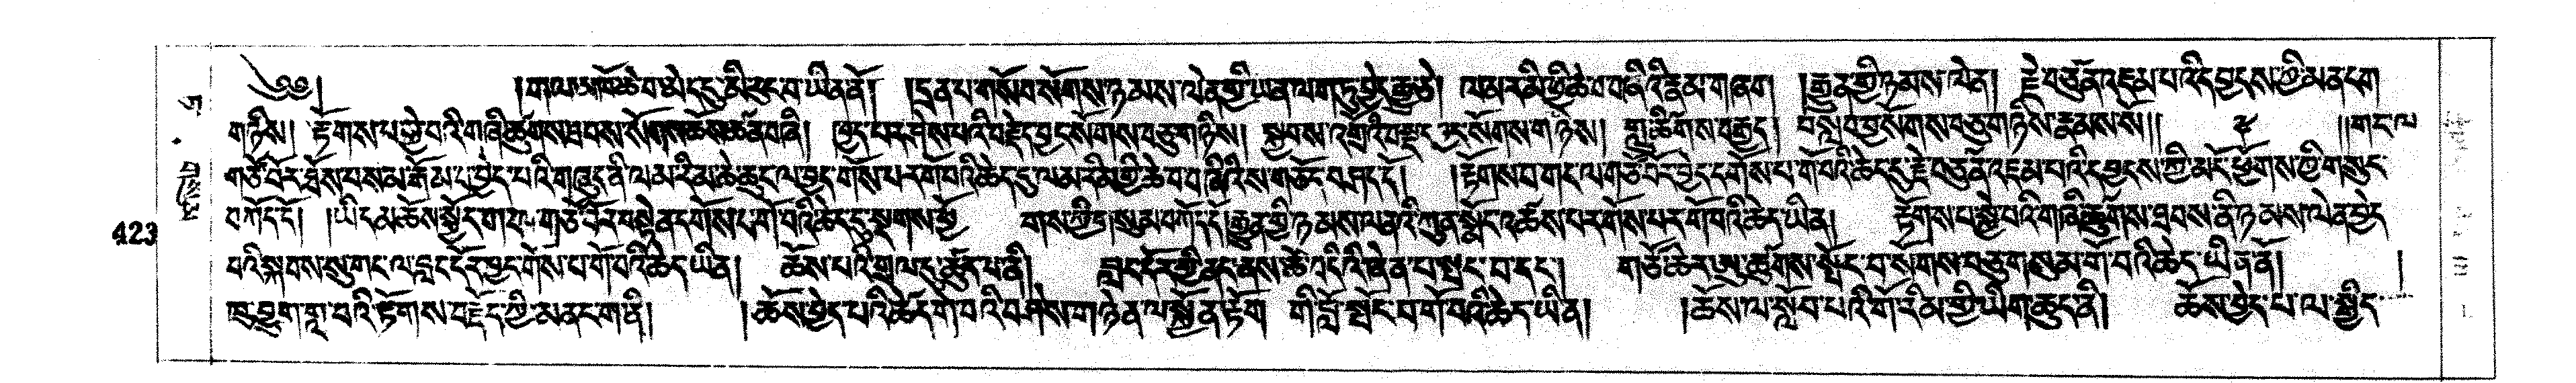༄༅། །གལ་མཁོ་ཆེ་བ་མེད་དུ་མི་རུང་བ་ཡིན་ནོ། །དྲན་པ་གསོབ་སོགས་ཉམས་ལེན་གྱི་ཡན་ལག་ཏུ་བྱེད་རྒྱུ་ཅེ། ལམ་རིམ་ཕྱི་ཆེ་བ་བཞིའི་རྣམ་གཞག །རྒྱུན་གྱི་ཉམས་ལེན། རྗེ་བཙུན་འཇམ་པའི་དབྱངས་ཀྱི་མན་ངག་
གཉིས། རྟོགས་པ་ཕྱེ?་བའི་གཞི་ཚུགས་ཐབས་སོགས་ཆོས་ཚན་བཞི། ཁྱད་པར་ཤེས་པའི་བརྗེད་བྱང་སོགས་བཅུ་གཉིས། སྐྱབས་འགྲོའི་བསྔར་བྱང་སོགས་གཉིས། གླུ་ཚིགས་བརྒྱད། བསླབ་བྱ་སོགས་བཅུ་གཉིས་རྣམས་སོ།། ༈ །།གང་ལ་
གཙོ་བོར་ཐོས་བསམ་རྒོམ་པ་བྱེད་པའི་གཞུང་ནི་ལམ་རིམ་ཆེ་ཆུང་ལ་བྱད་གོས་པར་གོ་བའི་ཆེད་དུ་ལམ་རིམ་གྱི་ཆེ་བ་བཞིའི་ས་གཅོད་བཤད་དོ། །རྟོགས་བ་གང་ལ་གཙོ་བོར་བྱེད་དགོས་པ་གོ་བའི་ཆེད་དུ་རྗེ་བཙུན་འཇམ་པའི་དབྱངས་ཀྱི་མདོ་ཕྱོགས་ཀྱི་གསུང་
བཀོད་དོ། །ཡི་དམ་ཆོས་སྐྱོང་གང་ལ་གཙོ་བོར་བསྟེན་དགོས་པ་གོ་བའི་ཆེད་དུ་སྔགས་ཕྱོགས་ཀྱི་གསུམ་བཀོད་དོ། རྒྱུན་གྱི་ཉམས་ལ་ནའི་ཀུན་སྨོད་འཚས་པར་གོས་པར་གོ་བའི་ཆེད་ཡིན། རྟོགས་པ་སྐྱེ་པའི་གཞི་ཚུགས་ཐབས་ནི་ཉམས་ལེན་བྱེད་
བའི་སྐབས་སུ་གང་ལ་བླང་དོར་བྱང་གོས་པ་གོ་བའི་ཆེད་ཡིན། ཆོས་པའི་གྲལ་དུ་ཚུར་པ་ནི། བླང་དོར་གྱི་ནང་ནས་ཚེ་འདིའི་ཞེན་པ་སྤང་བ་དང་། གཙོ་ཆེར་ཨུ་ཚུགས་སྤོང་བ་སོགས་བཅུ་གསུམ་གོ་བའི་ཆེད་ཡིན་ནོ། །
ཁུ་བྱུག་གཱ་བའི་རྟོགས་བརྗོད་ཀྱི་མན་ངག་ནི། །ཆོས་བྱེད་པའི་ཚེ་དགེ་བའི་བཤེས་གཉེན་ལ་སྐྱོན་རྟོག་གི་བློ་སྤོང་བ་གོ་བའི་ཆེད་ཡིན། །ཆོས་ལ་སློབ་པའི་གོ་རིམ་གྱི་ཡིག་ཆུད་ནི། ཆོས་བྱེད་པ་ལ་སྒྱིད་